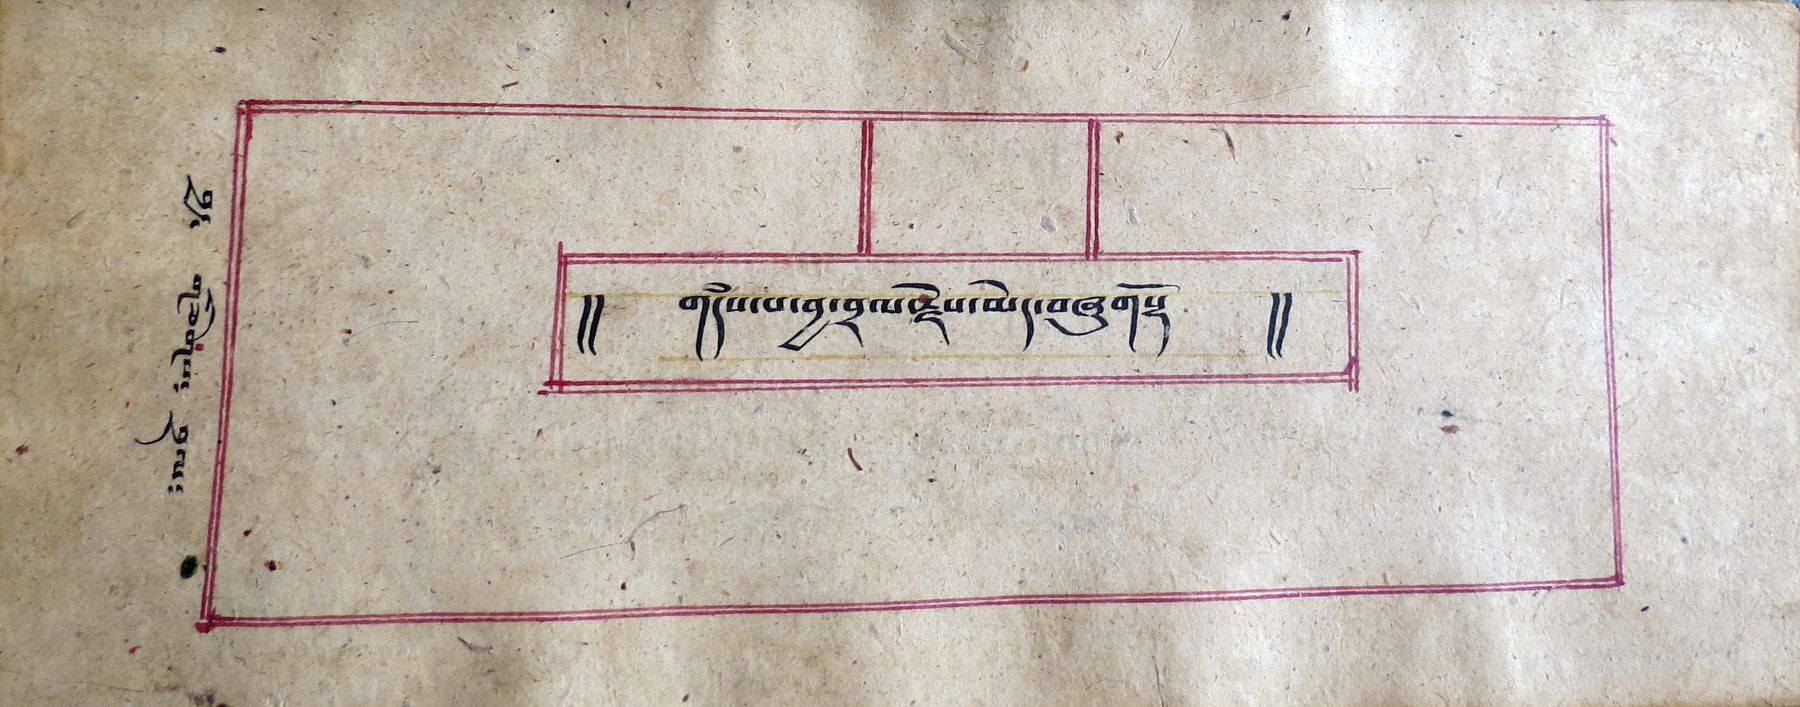གདམས་པ་བྱ་བྲལ་རྗེས་མེད་བཞུགས་སོ། །